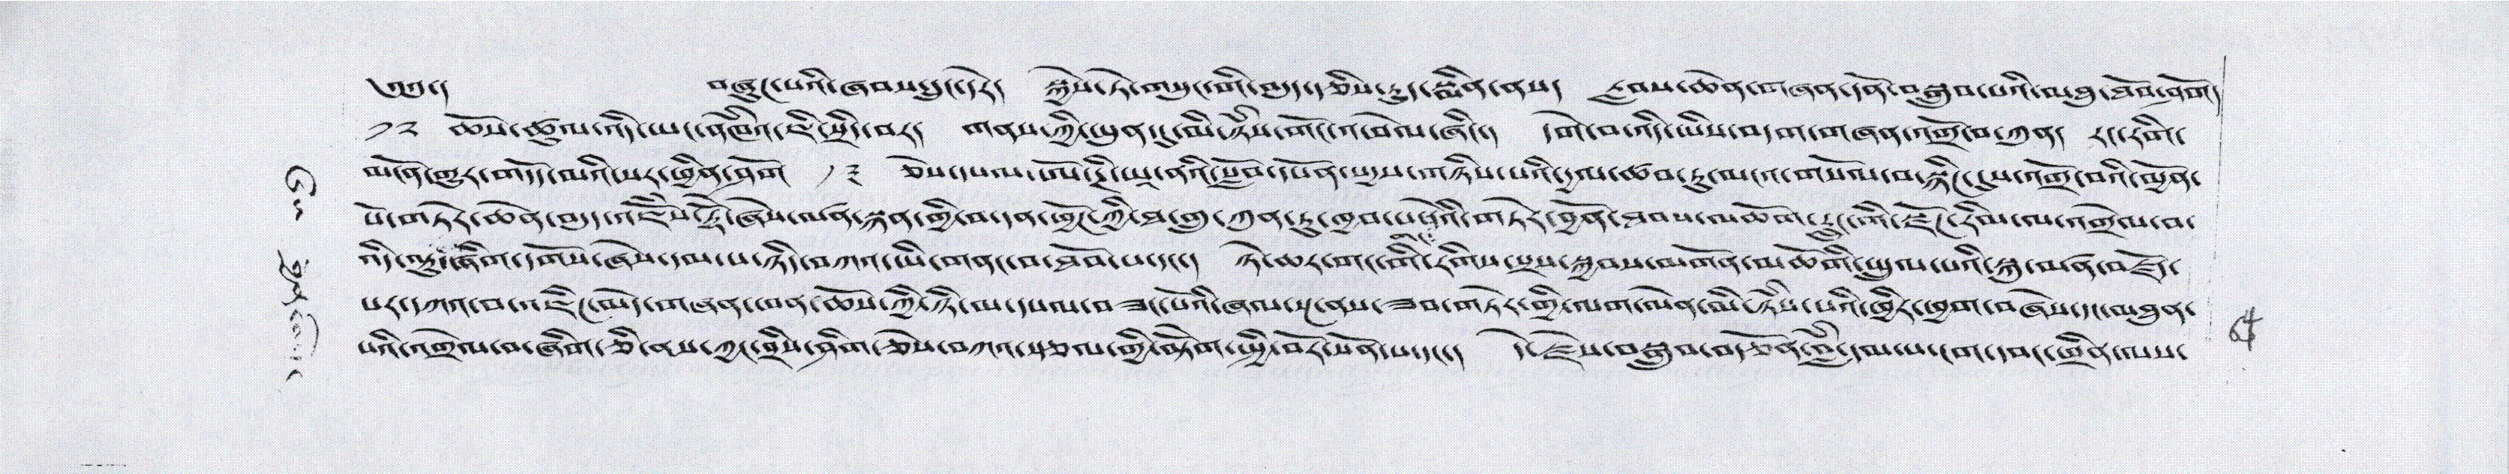བཞུགས་པའི་ཞབས་དྲུང་དེར། །སྐྱེས་ཏེ་གསུང་གི་བདུད་རྩིས་རྒྱུད་སྨིན་ནས། །རླབས་ཆེན་གཞན་དོན་བསྒྲུབ་པའི་མཐུ་ཐོབ་ཤོག། 
༡༢ ཆོས་ཚུལ་འདི་ཡང་ནམ་མཁའ་ཇི་སྲིད་བར། །གནས་ཀྱི་ཡུན་དུ་མི་ཉམས་གོང་འཕེལ་ཞིང་། །དགེ་བ་འདི་ཡིས་བདག་གཞན་འགྲོ་བ་ཀུན། །རང་རིག་
མངོན་གྱུར་གདོད་མའི་སར་ཕྱིན་ཤོག། ༡༣ ཅེས་དཔལ་ཨོ་ཌི་ཡཱ་ནའི་སློབ་དཔོན་སངས་རྒྱས་གཉིས་པའི་རྒྱལ་ཚབ་ཏུ་མངའ་གསོལ་བ་སྙིགས་དུས་འགྲོ་བའི་མགོན་
པོ་གཏེར་ཆེན་བདུད་འཇོམས་རྡོ་རྗེ་ཞེས་མཚན་སྙན་གྱི་བ་དན་ཕྱོགས་ཀྱི་ཐ་གྲུ་ཀུན་ཏུ་ཁྱབ་པ་གང་དེའི་གཏེར་བྱོན་ཐབས་མཆོག་རླུང་གི་རྫོགས་རིམ་ལ་འགྲེལ་བ་
འདི་ལྟ་བུ་ཞིག་དགོས་ཞེས་དམ་པ་ཉིད་བཀའ་ཡི་གནང་བ་ཐོབ་པ་དང་། ཉེ་ཆར་གང་གི་རིགས་སྲས་སྐྱབས་མགོན་མཆོག་གི་སྤྲུལ་པའི་སྐུ་མཚན་བརྗོད་
པར་དཀའ་བ་འཇིགས་མེད་གཞན་ཕན་ཆོས་ཀྱི་ཉི་མ་དཔལ་བཟང་པོའི་ཞལ་སྔ་ནས། ཟབ་གཏེར་གྱི་ལག་ལེན་མི་ཉམས་པའི་ཕྱིར་ཕྱག་བཞེས་དང་མཐུན་
པའི་འགྲེལ་བ་ཞིག་ཅི་ནས་ཀྱང་བྲིས་ཤིག་ཅེས་བཀའ་སྩལ་གྱི་མེ་ཏོག་སྤྱི་བོར་སོན་པ་དང་། དེ་རྗེས་སྒྲུབ་བརྩོན་བླ་མ་དམ་པ་ངག་དབང་ཕྲིན་ལས་